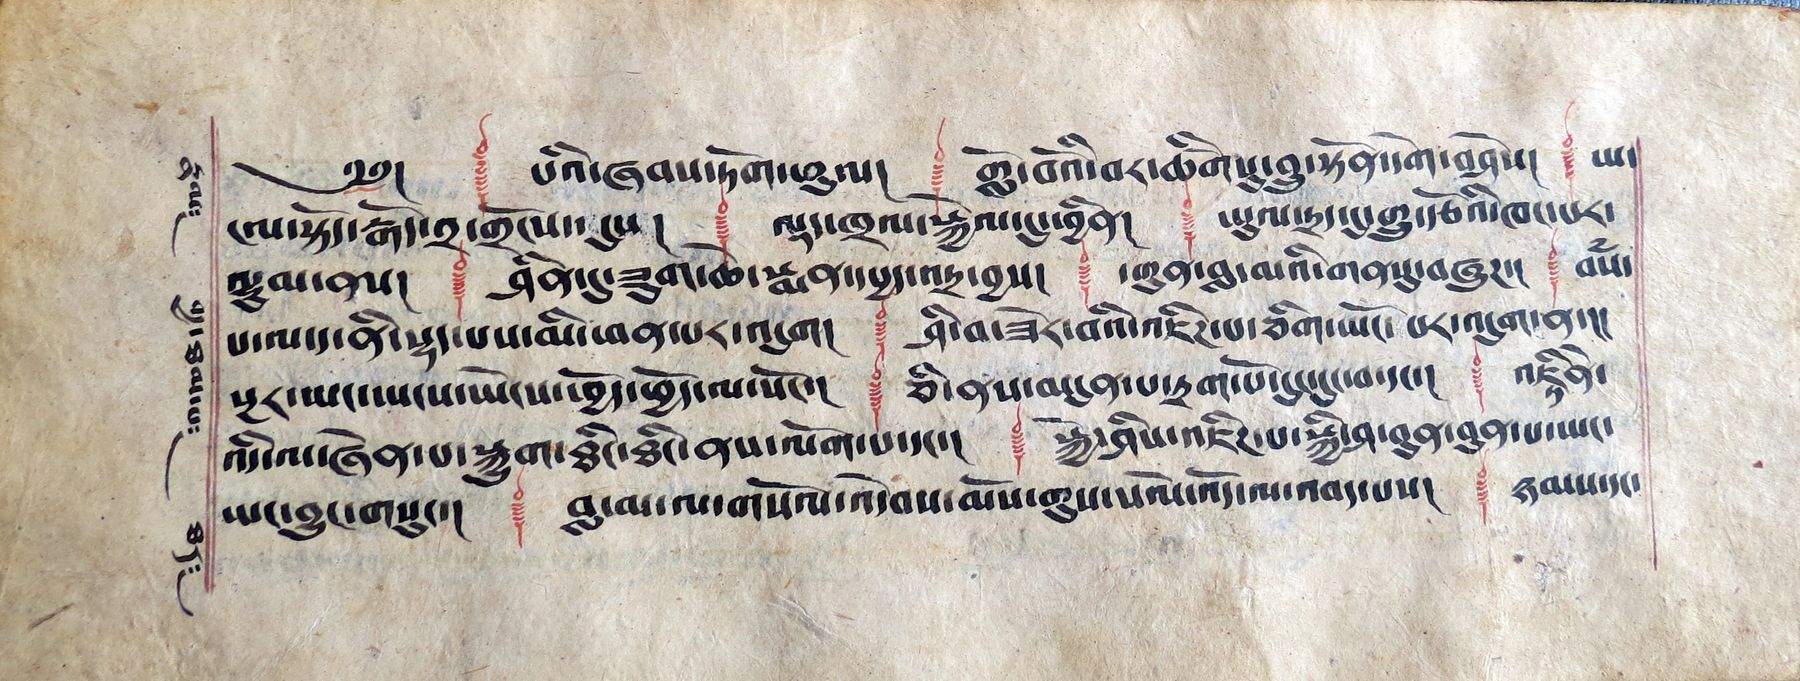པའི་ཞབས་ཏོག་ཕུལ། གློ་བོའི་བར་ཚིགས་སུ་བྲུ་སྟོན་དགེ་བཤེས་ཡ་
ངལ་སྟོན་རྒོད་གཉིས་གྲོངས་དུས། ལྷ་ཁྲལ་བསྐྱལ་དུ་ཕྱིན། ཡུལ་ཧྲད་དུ་གྲུ་རྩོའི་ཁང་པར་
ལྷུང་ནས། ཤིན་ཏུ་ཟུག་ཆེ་སྨན་དཔྱད་འདྲ་བྱས་ནས། དགུན་བླ་མའི་གནས་སུ་བཞུགས། བསམ་
པ་ལ་ད་ནི་སྡད་པས་མི་ཕན་པར་འདུག ཤི་བ་ཟེར་བའི་འཇིགས་པ་ཞིག་ཡོད་པར་འདུག་ན། 
སྔར་ཡང་ཡངས་ཡེངས་ཕྱོད་ཕྱོད་ལ་སོང་། ཅི་ནས་འདུན་པ་དྲག་པོ་དུང་དུང་པ་དང་། འཇིག་རྟེན་
འདི་ལ་ཞེན་པ་སྐྱུག་ཐིང་ཐིང་ནས་ལོག་པ་དང་། སྐྱེ་ཤིས་འཇིགས་པའི་སྐྱི་ཤ་བུན་བུན་པ་ཡང་
ཡང་བྱུང་གསུངས། བླ་མ་ལ་གསོལ་འདེབས་མོས་གུས་སལེ་འོད་ལ་འབད་པས་ཉམས་དང་